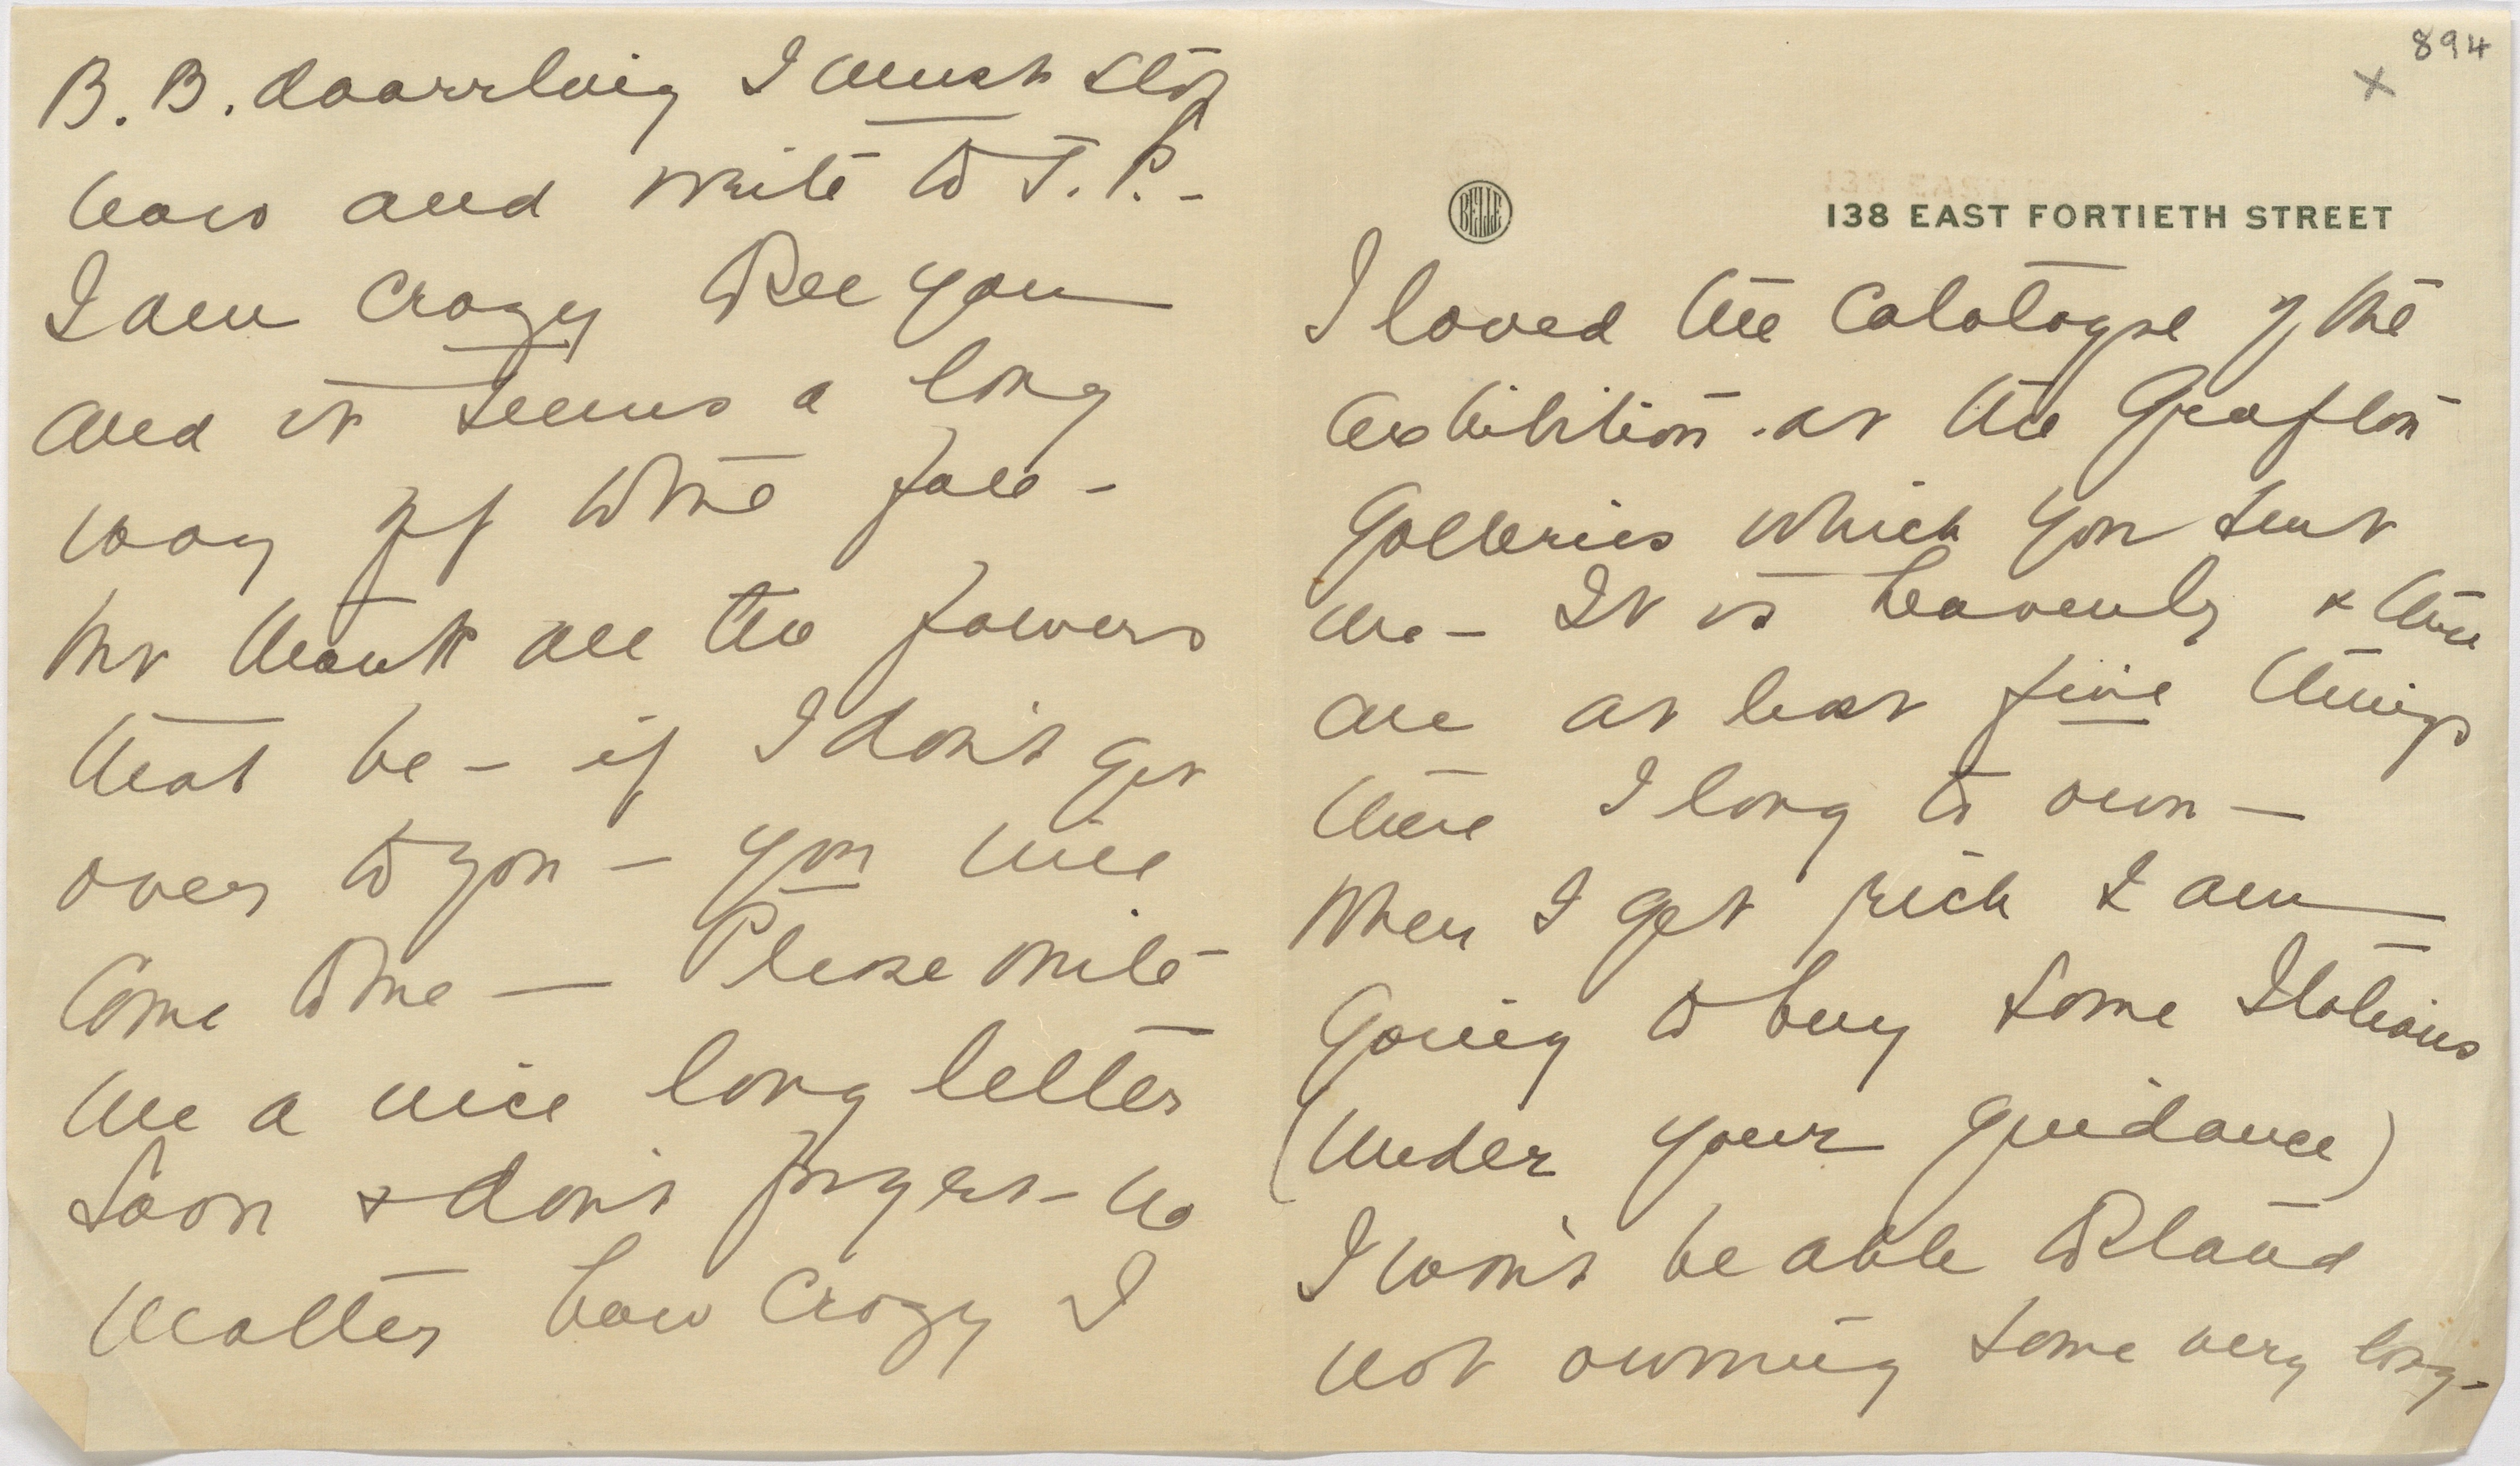I loved the catalogue of the exhibition at the Grafton Galleries which you sent me – It is heavenly & there are at least five things there I long to own – When I get rich I am going to buy some Italians (under your guidance)
I won’t be able to stand not owning some very long –
B. B. daarrling I must stop now and write to J. P. – I am crazy to see you and it seems a long way off to the fall – but thank all the powers that be – if I don’t get over to you – you will come to me – Please write me a nice long letter soon & don’t forget no matter how crazy I